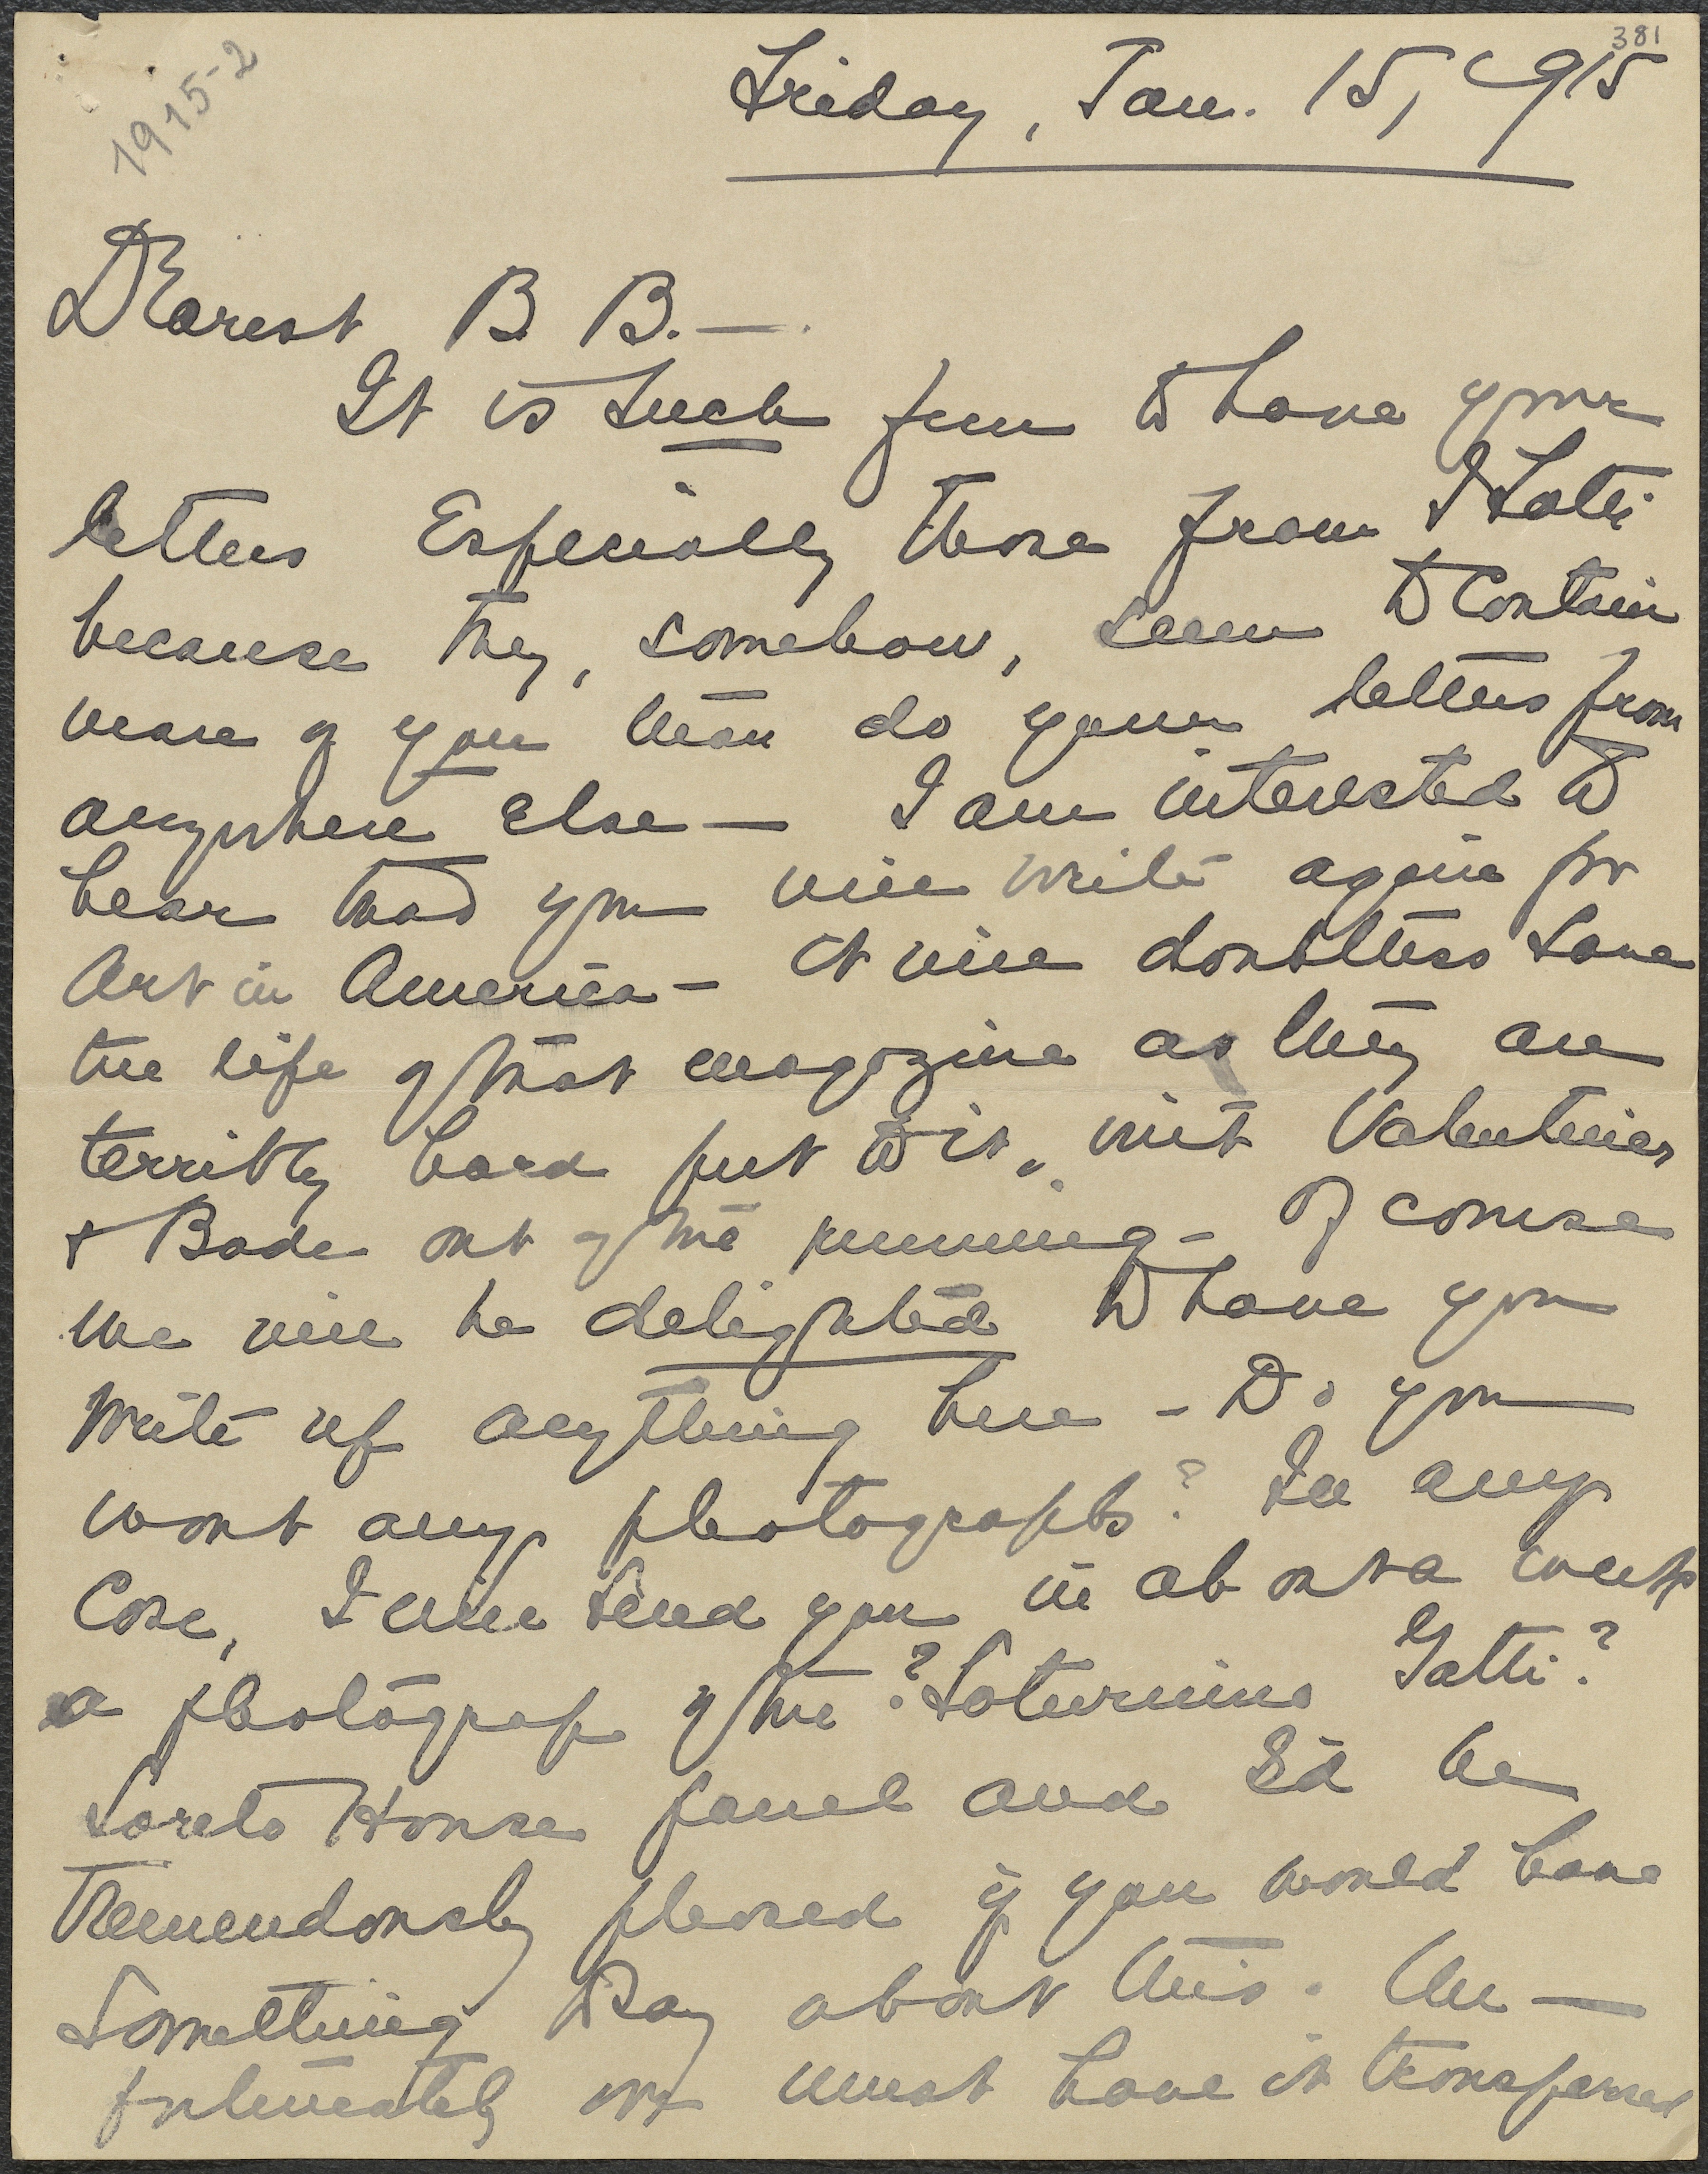Friday, Jan. 15, 1915
Dearest B.B. –
It is such fun to have your letters especially those from I Tatti because they, somehow, seem to contain more of you than do your letters from anywhere else – I am interested to hear that you will write again for Art in America – it will doubtless save the life of that magazine as they are terribly hard put to it, with Valentiner & Bode out of the running – of course we will be delighted to have you write up anything here – Do you want any photographs? In any case, I will send you in about a week a photograph of the ?Saturnino Gatti? Loreto House panel and I’d be tremendously pleased if you would have something to say about this. Unfortunately we must have it transferred